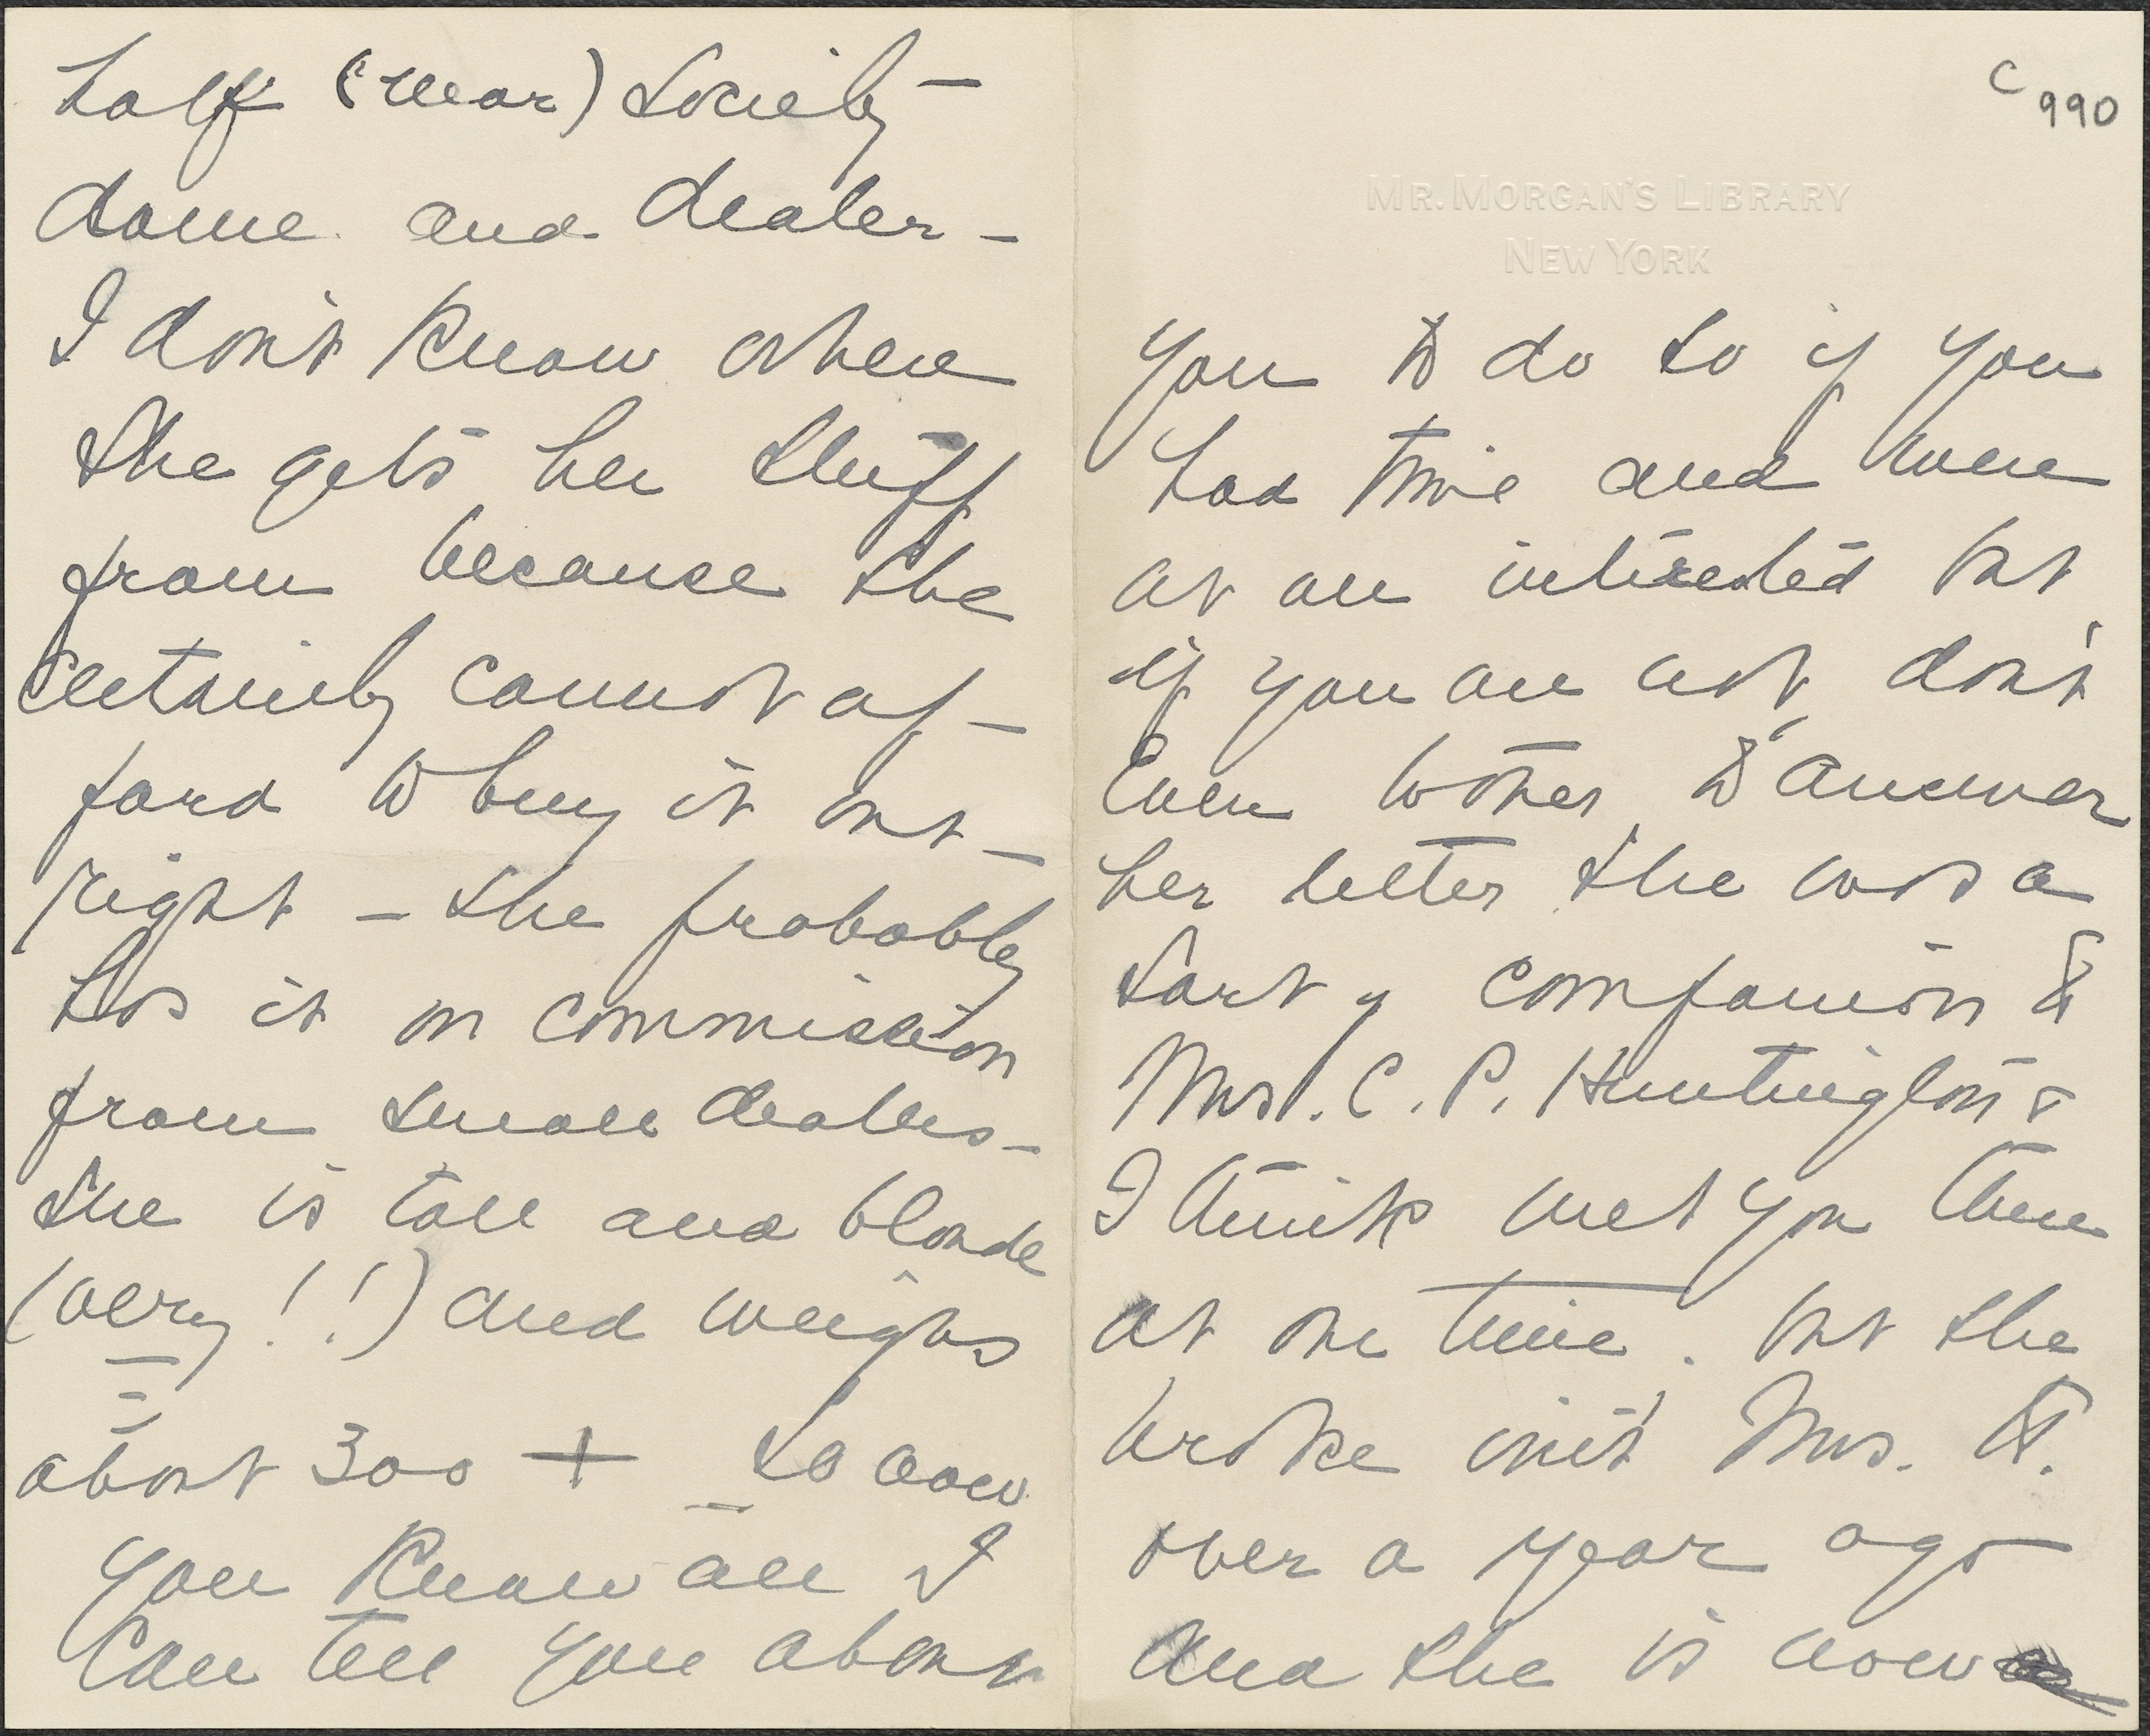you to do so if you had time and were at all interested but if you are not, don’t even bother to answer her letter she was a sort of companion to Mrs. C. P. Huntington & I think met you there at one time. but she broke with Mrs. H. over a year ago and she is now a
half (near) society dame and dealer – I don’t know where she gets her stuff from because she certainly cannot afford to buy it outright – she probably has it on commission from small dealers – she is tall and blonde ([triple underlined: very]!!) and weighs about 300+ – So now you know all I can tell you about